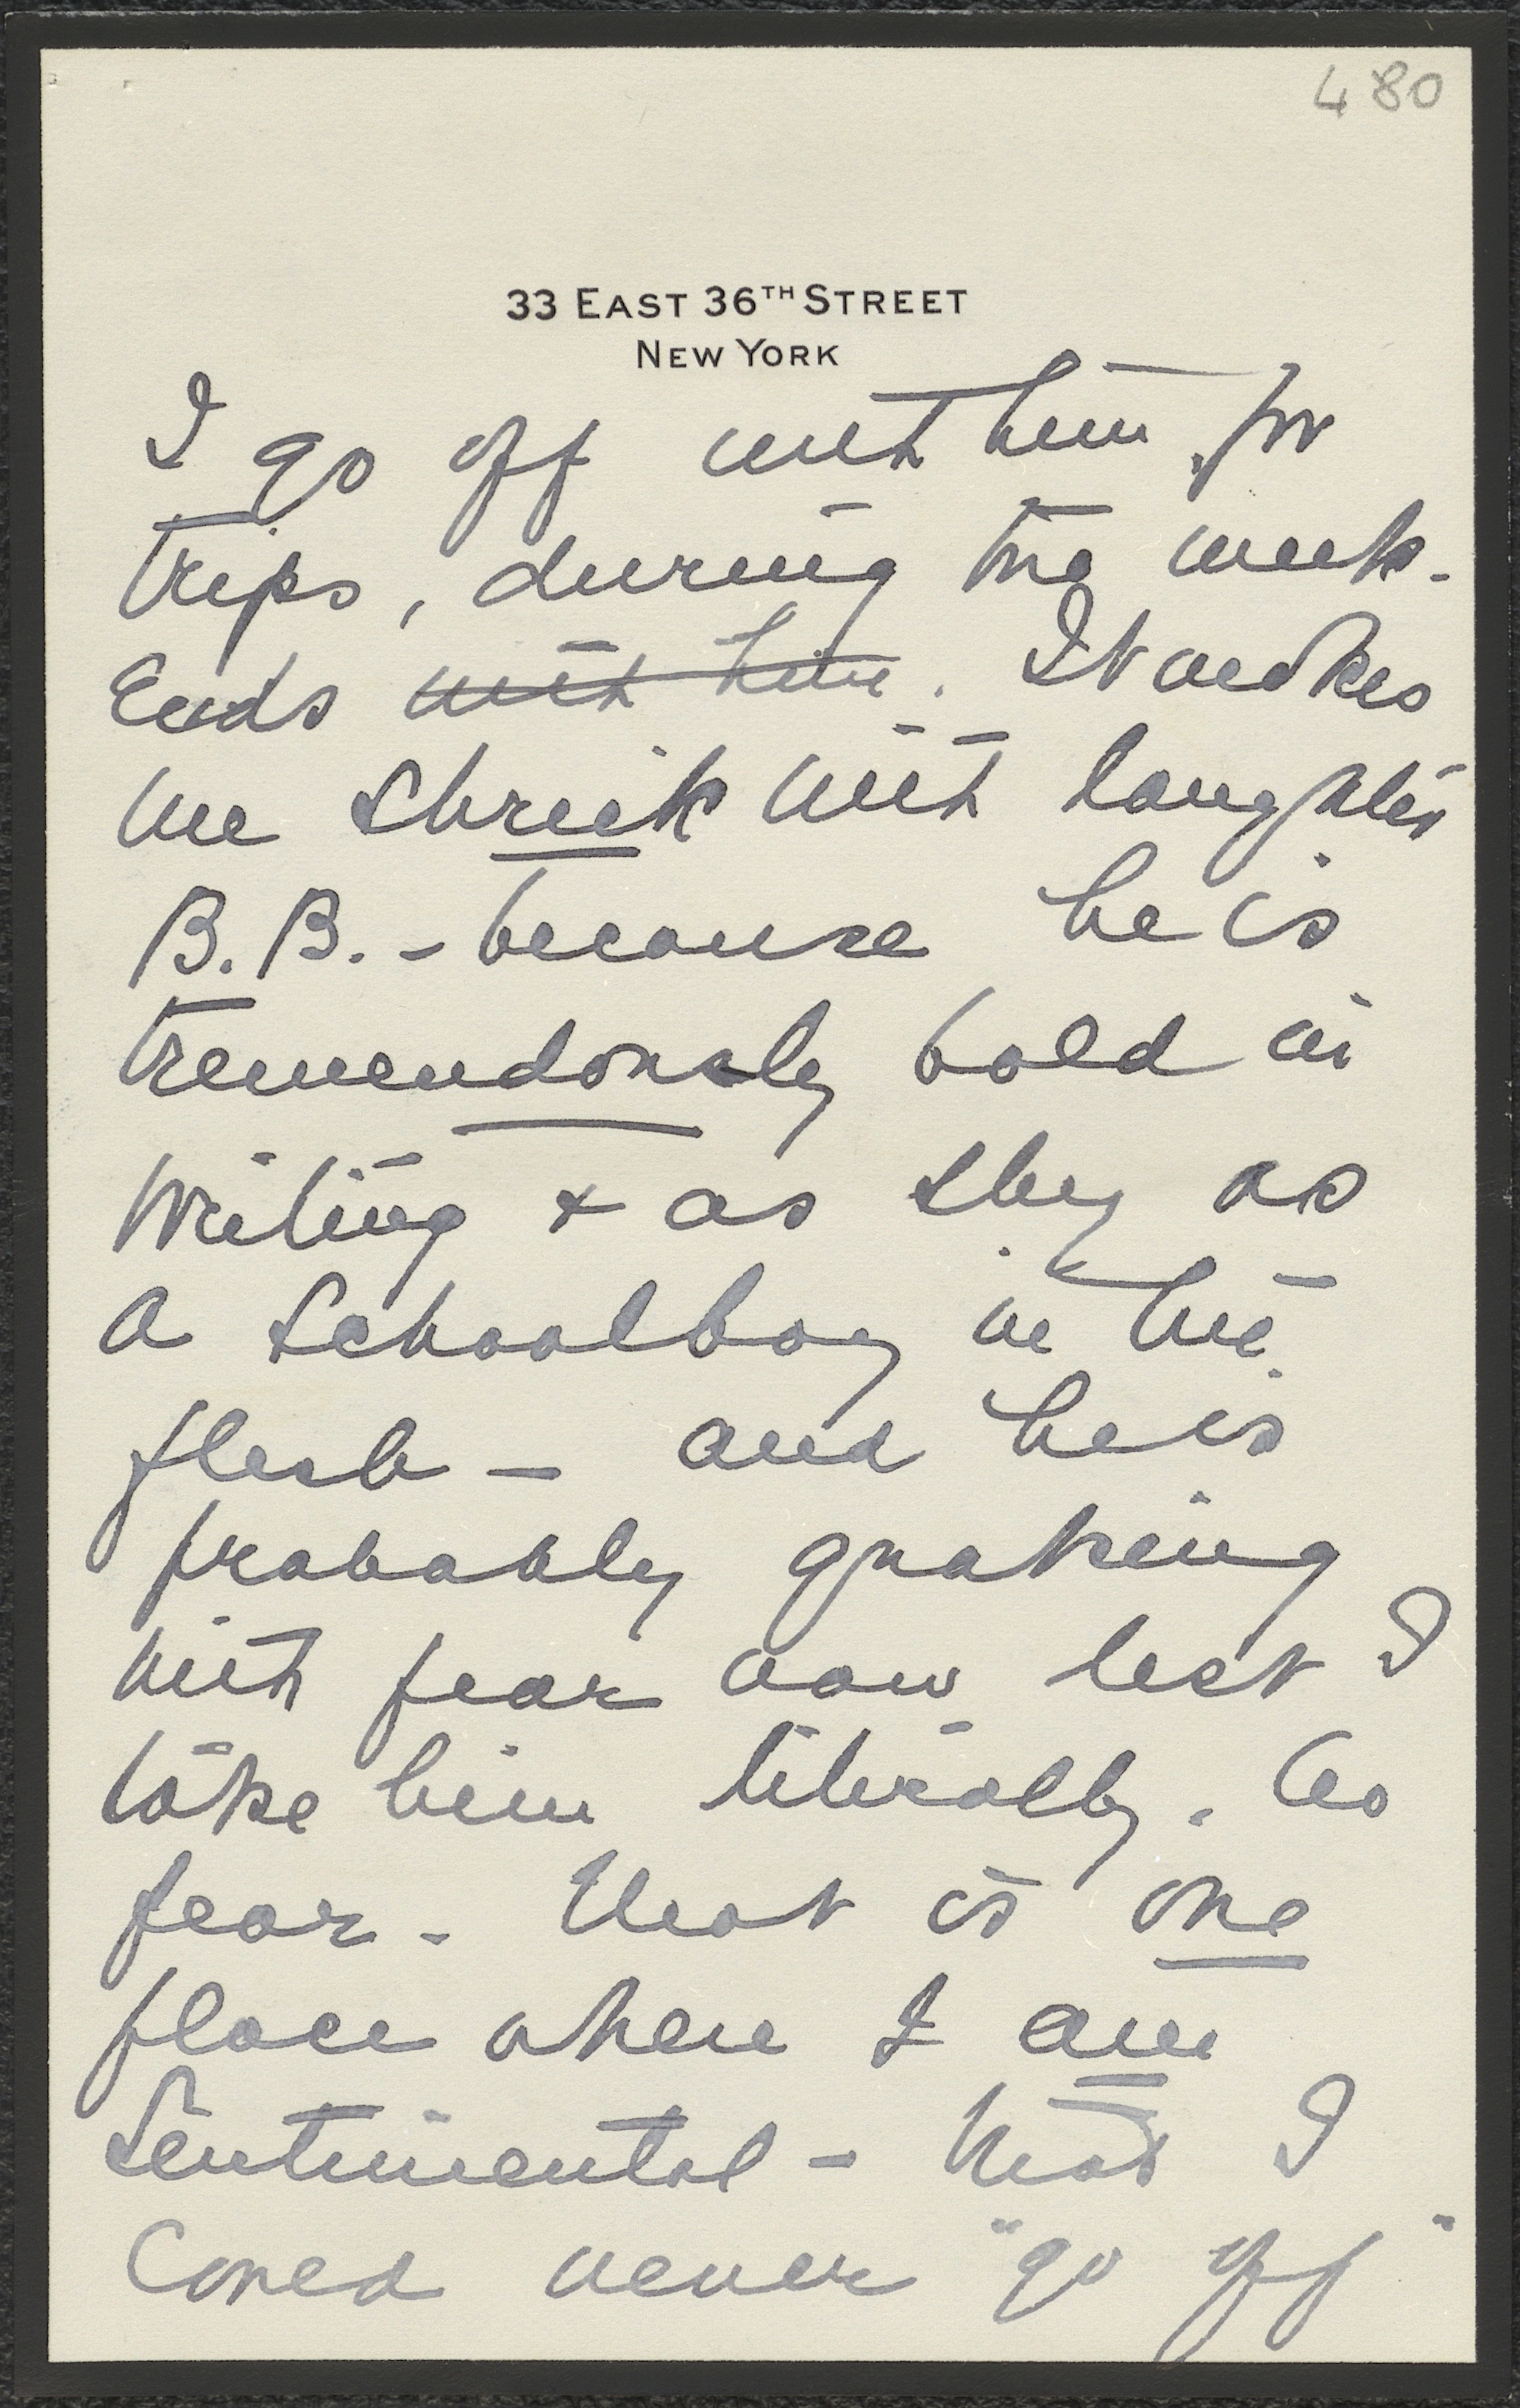I go off with him for trips, during the weekends with him. It makes me shriek with laughter B.B. – because he is tremendously bold in writing & as shy as a schoolboy in the flesh – and he is probably quaking with fear now lest I take him literally. No fear – that is one place where I am sentimental – that I could never “go off”